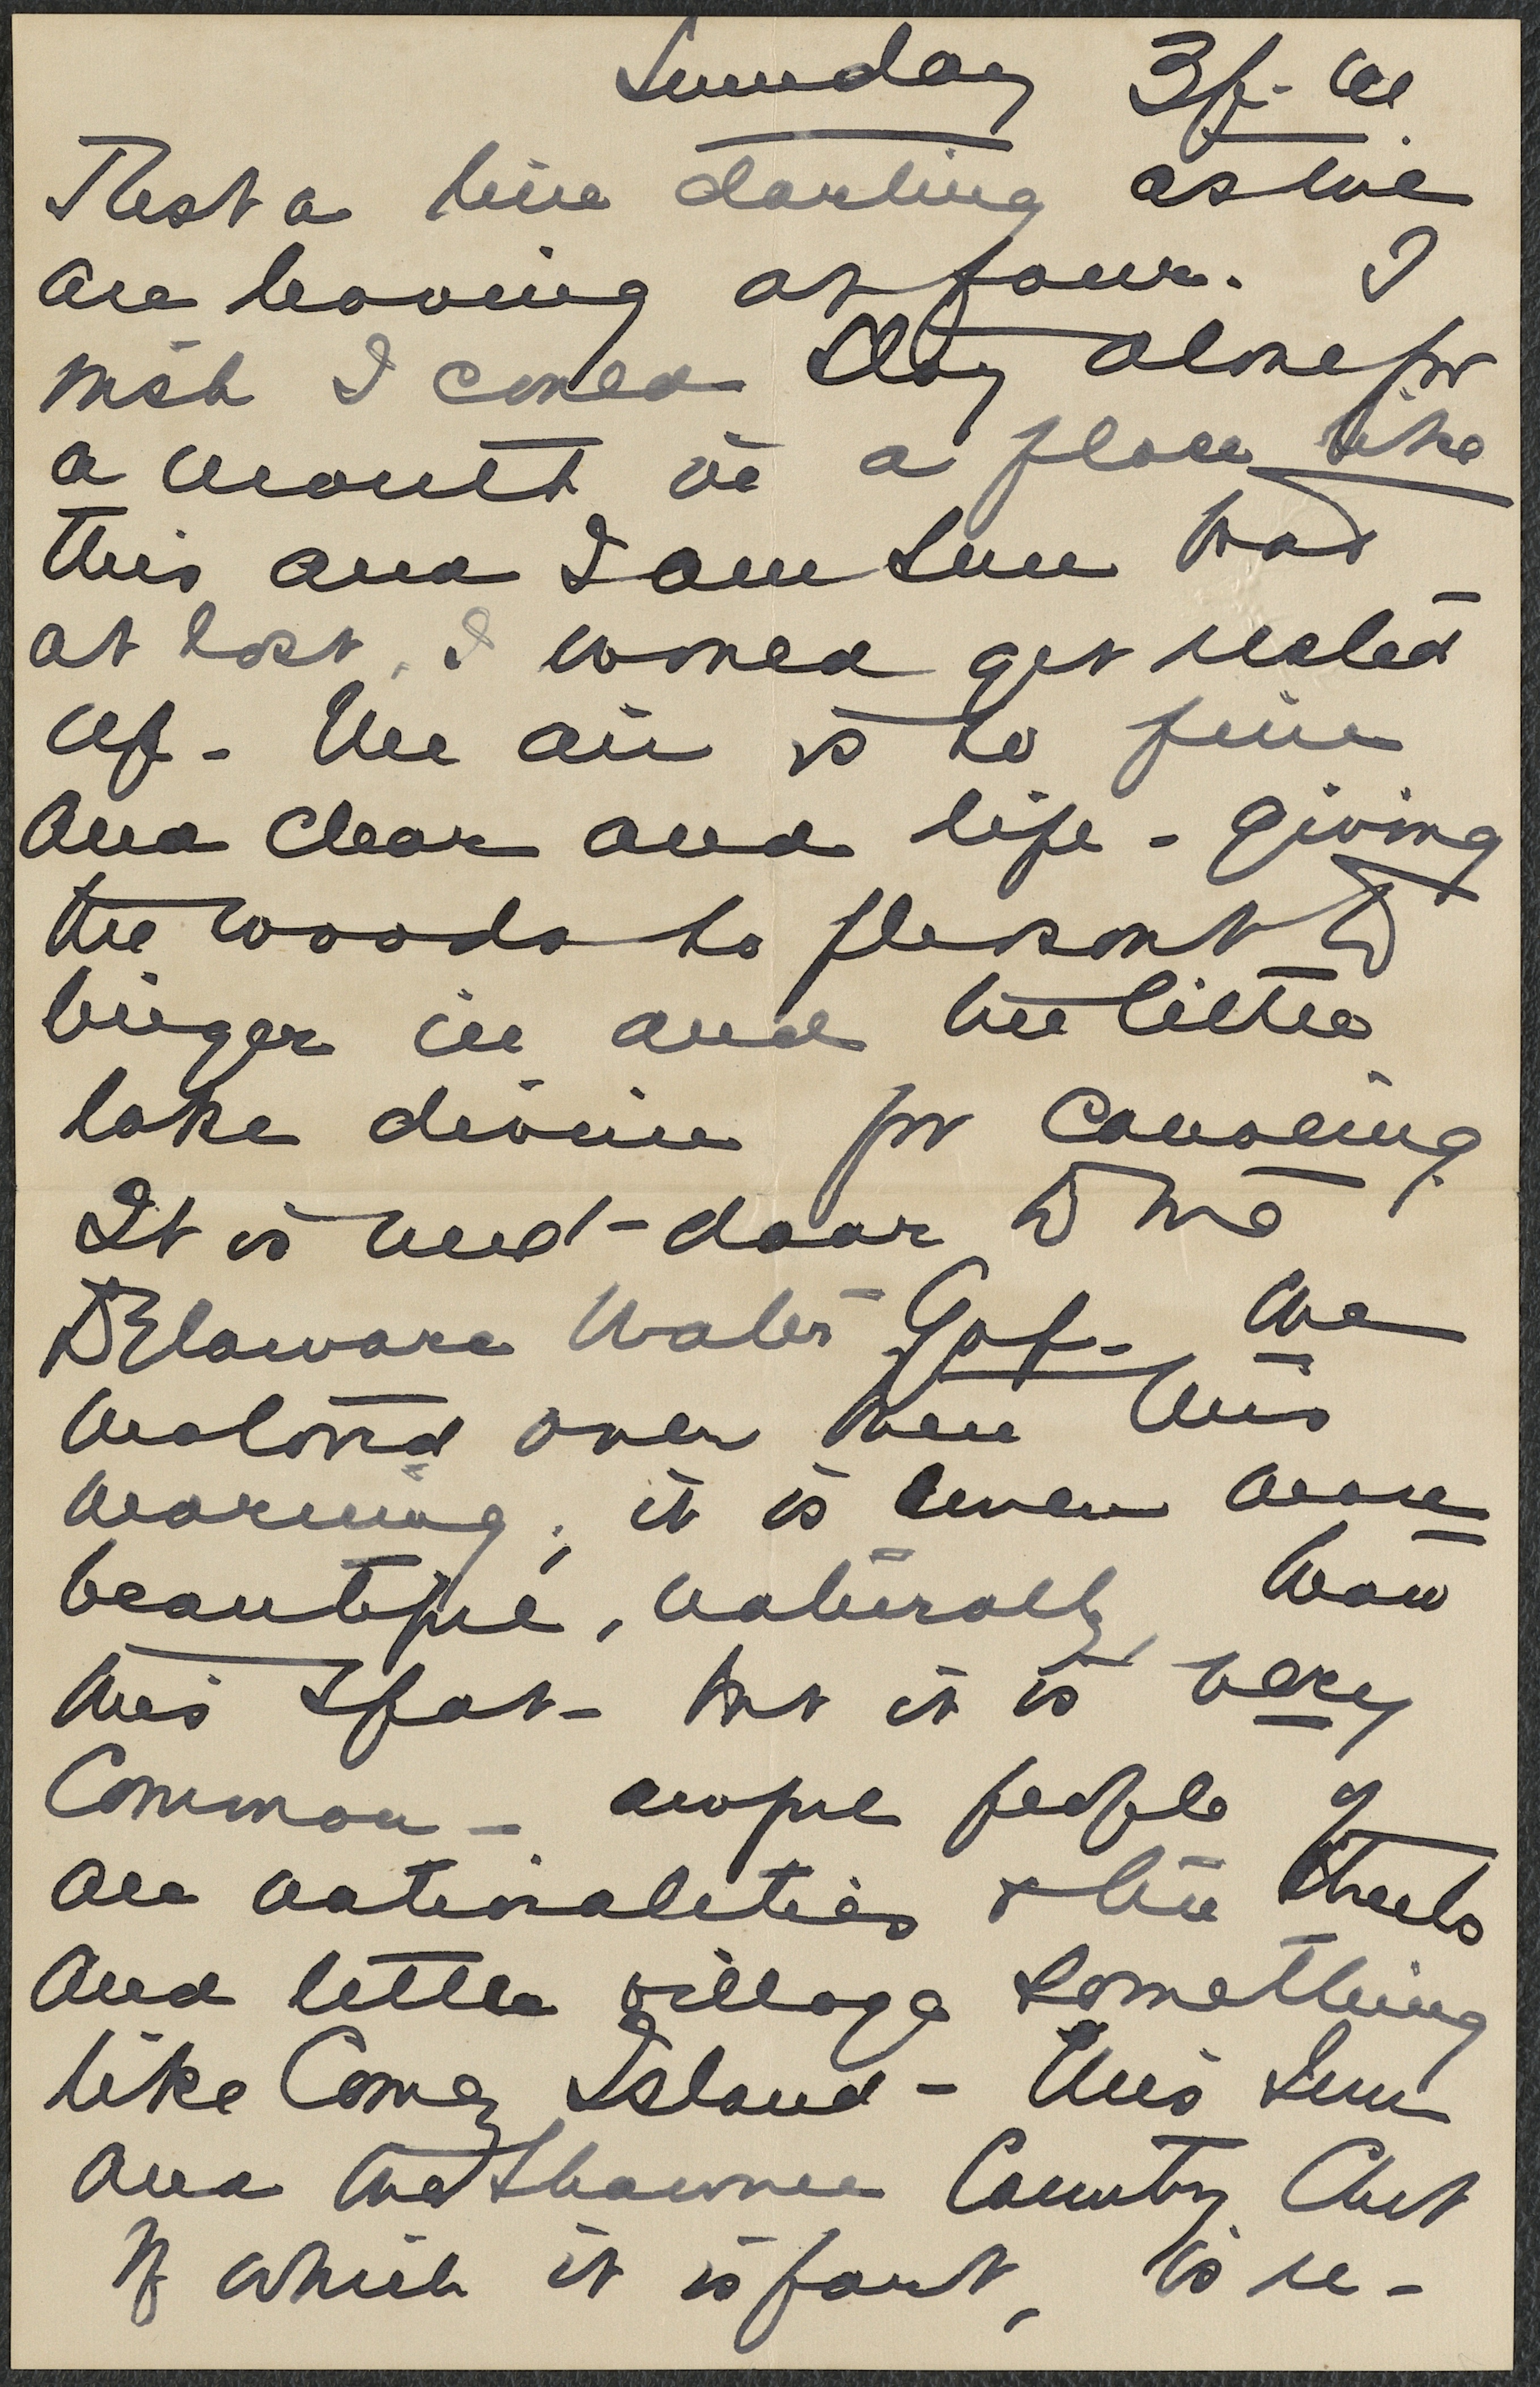Sunday 3 p.m.
Just a line darling as we are having at four. I wish I could stay alone for a month in a place like this and I am sure that at last I would get rested up – The air is so fine and clear and life – giving the woods so pleasant to linger in and the little lake divine for canoeing. It is next-door to the Delaware Water Gap – we motored over there this morning, it is even more beautiful, naturally, than this spot – but it is very common – awful people of all nationalities & the streets and little village something like Coney Island – this Inn and the Shawnee Country Club of which it is a part, is